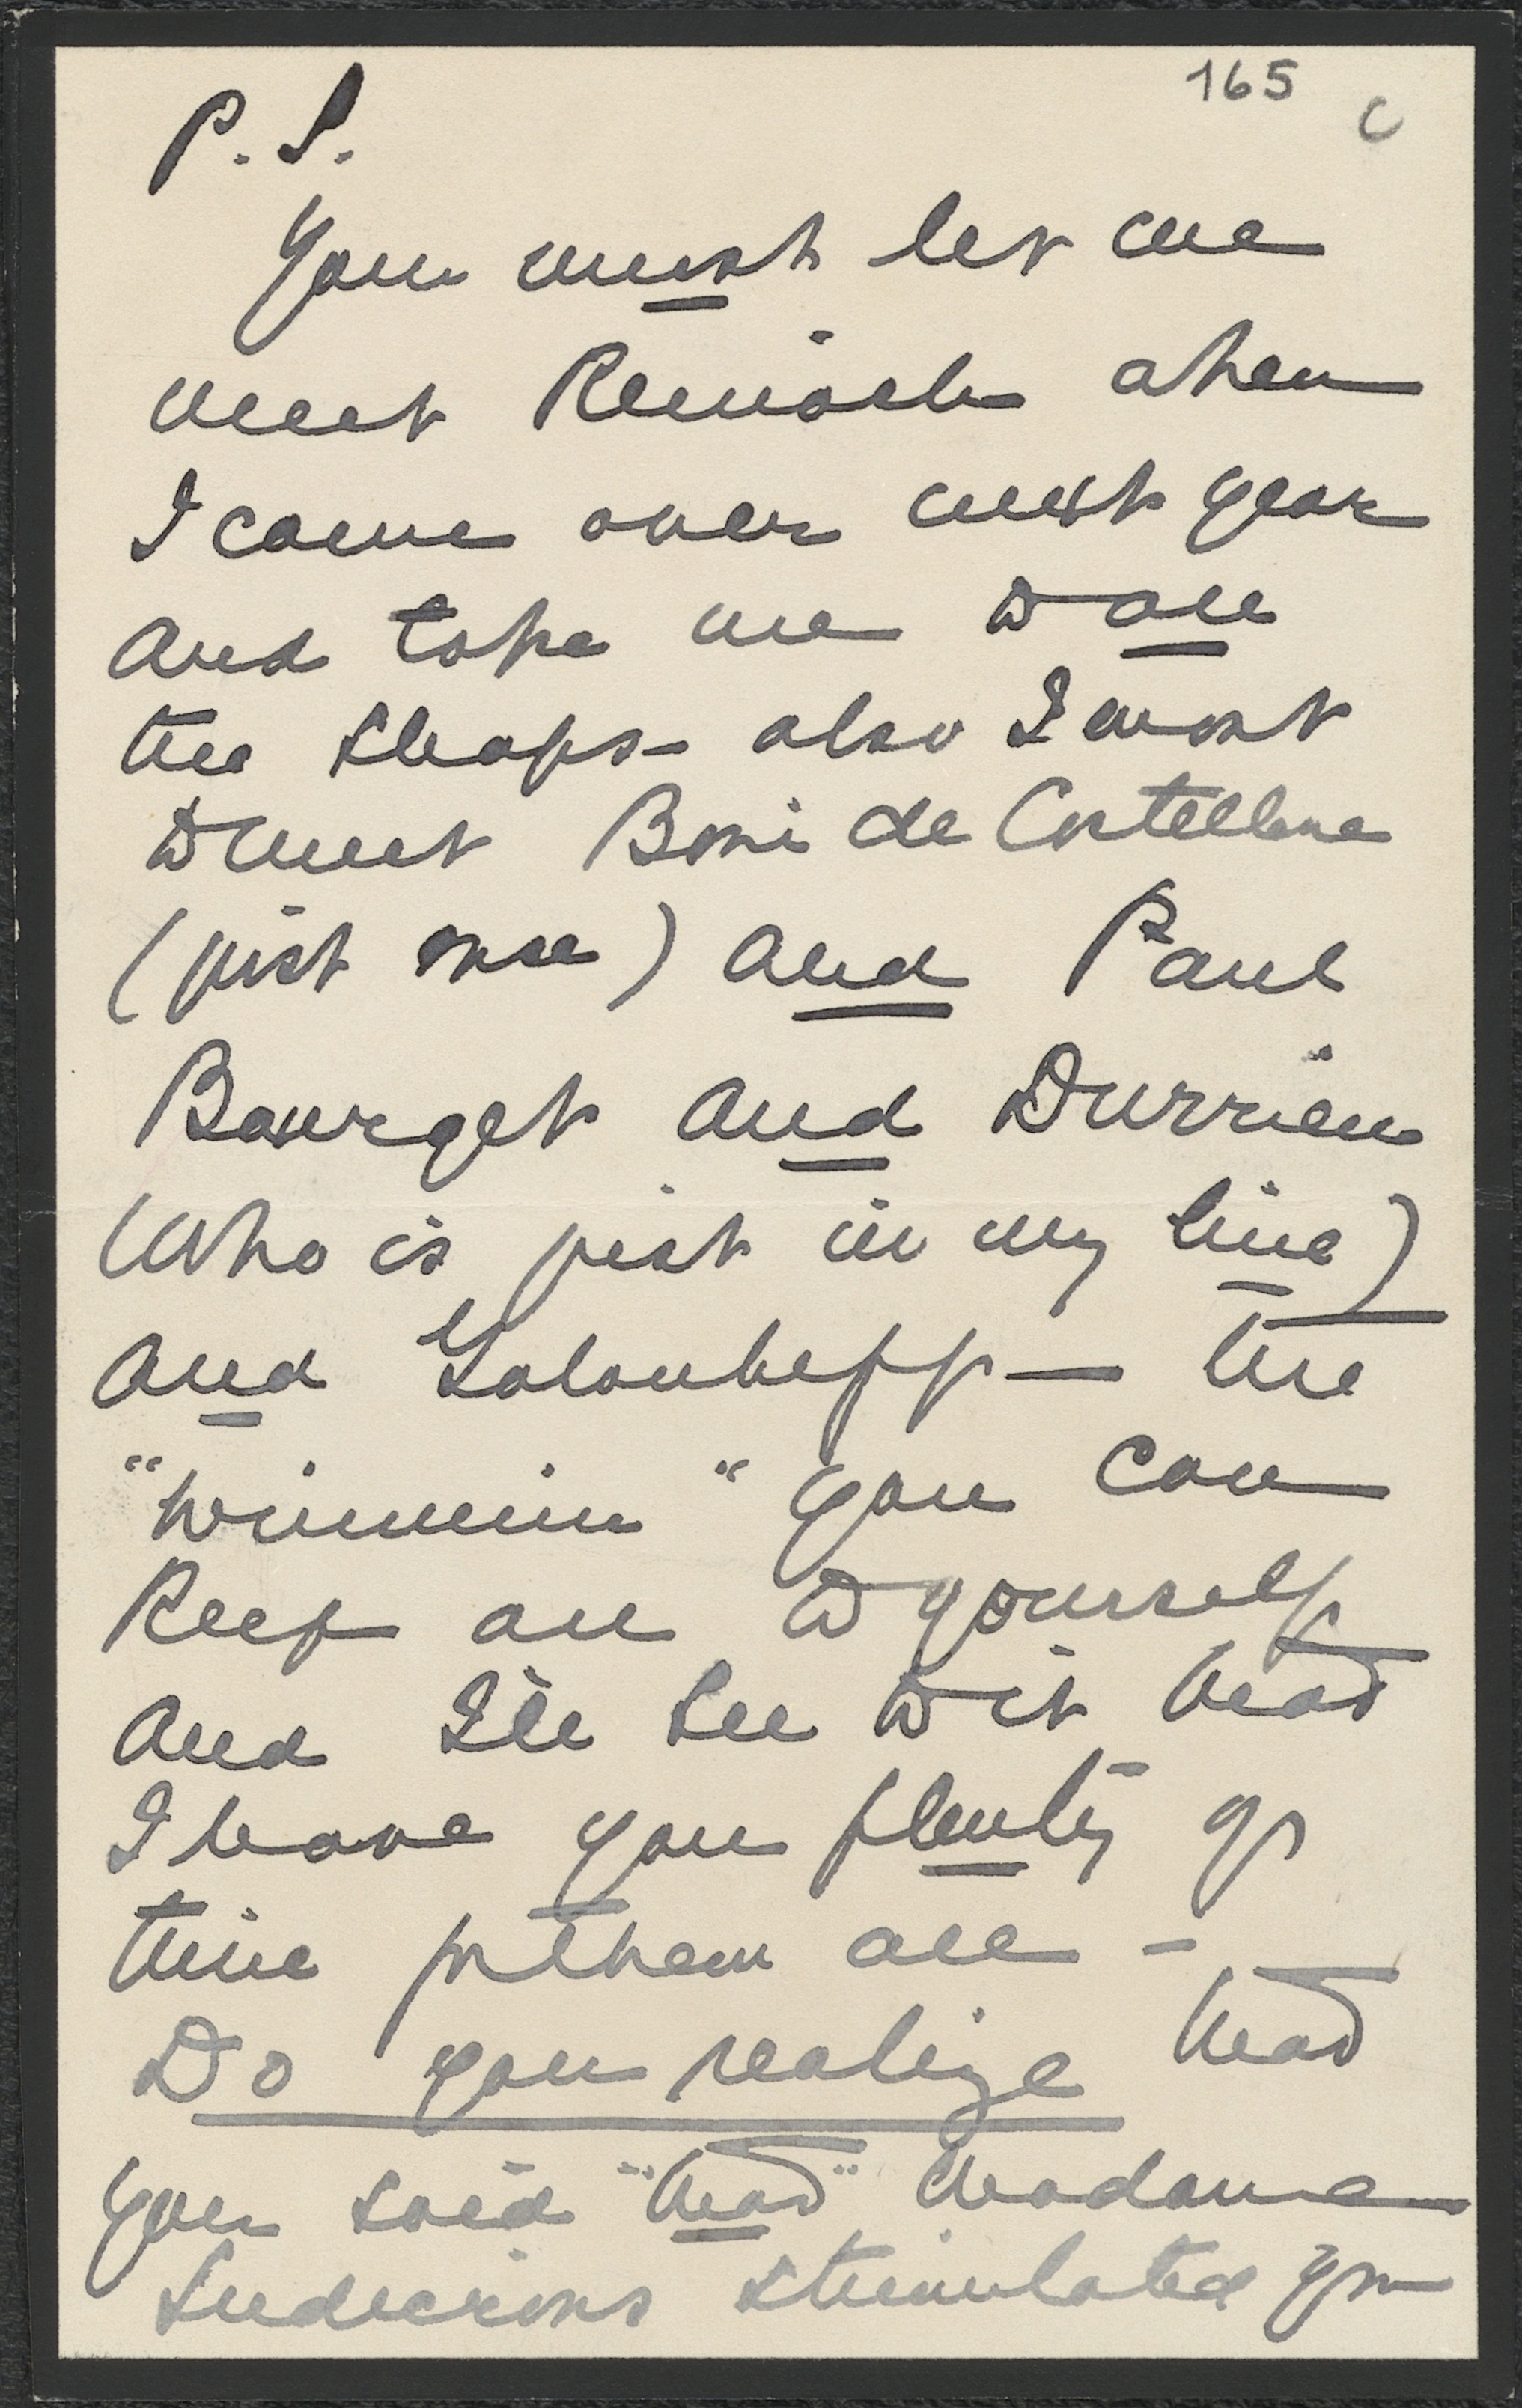P.S.
You must let me meet Reinach when I come over next year and take me to all the shops – also I want to meet Boni de Castellane (just once) and Paul Bourget and Durrieu (who is just in my line) and Goloubeff – the “wimmin” you can keep all to yourself and I’ll see to it that I leave you plenty of time for them all –
Do you realize that you said “that” Madame Ludicrous stimulated you